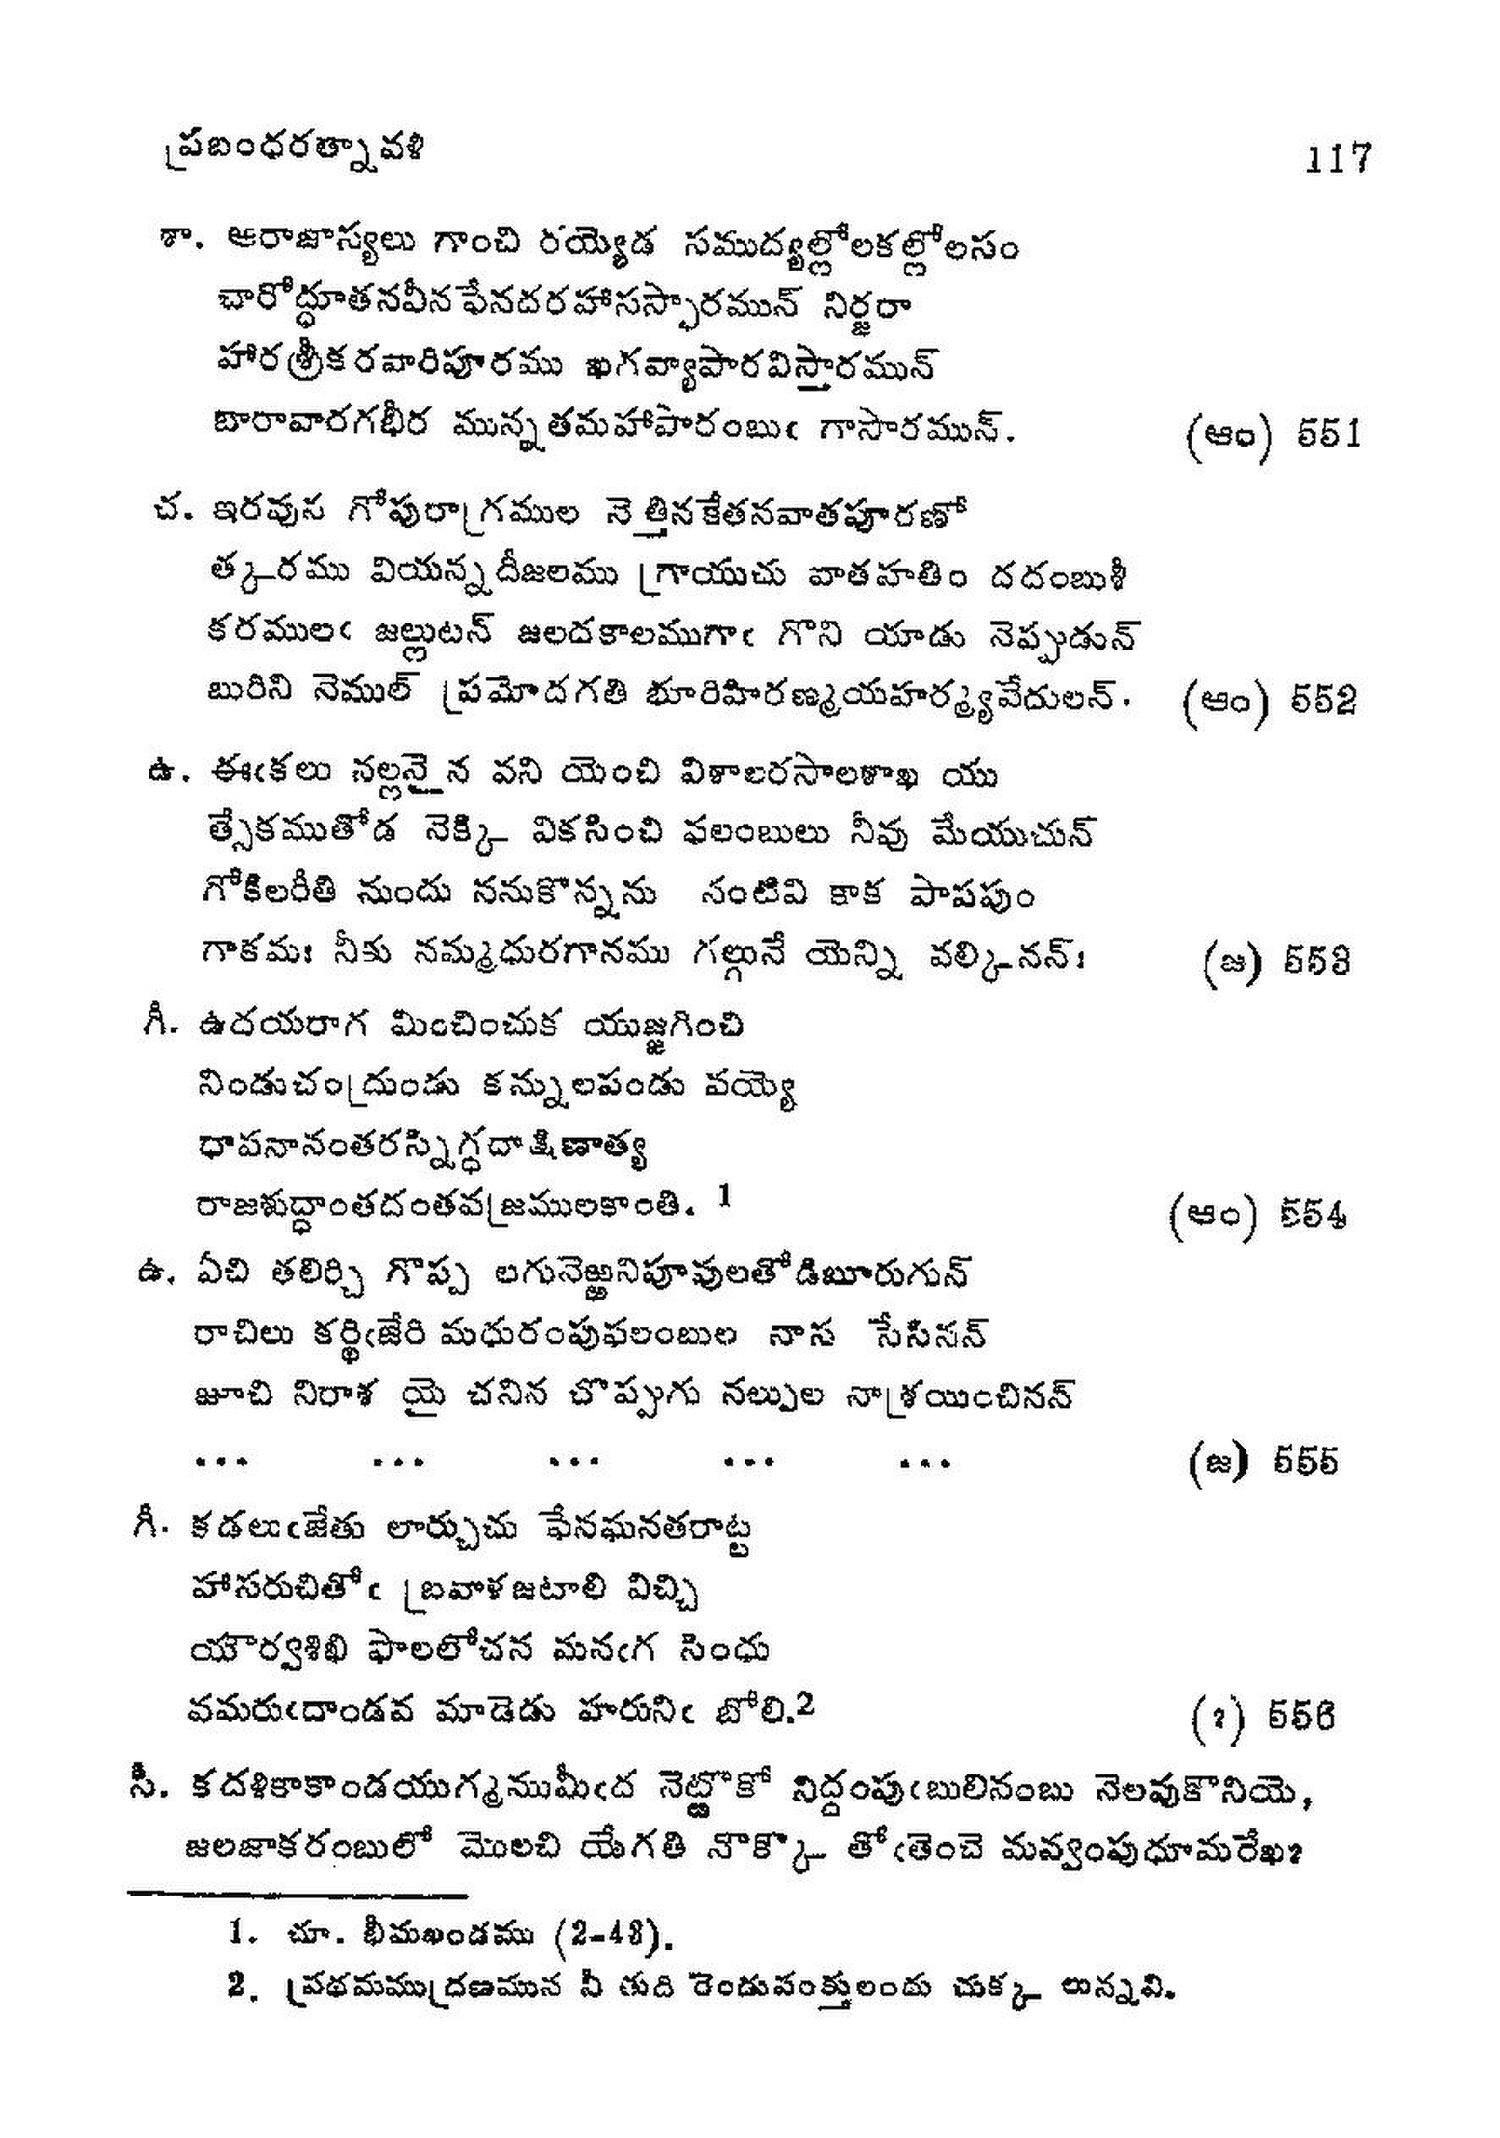శా. ఆ రాజాస్యలు గాంచి రయ్యెడ సముద్యల్లోల కల్లోల సం
చారోద్ధూత నవీనఫేన దరహాసస్ఫారమున్ నిర్జరా
హార శ్రీకరవారిపూరము ఖగవ్యాపార విస్తారమున్
బారావార గభీర మున్నత మహాపారంబుఁ గాసారమున్. (ఆం) 551

చ. ఇరవున గోపురాగ్రముల నెత్తిన కేతనవాత పూరణో
త్కరము వియన్నదీజలము గ్రాయుచు వాతహతిం దదంబు శీ
కరములఁ జల్లుటన్ జలదకాలముగాఁ గొనియాడు నెప్పుడున్
బురిని నెముల్ ప్రమోదగతి భూరిహిరణ్మయ హర్మ్యవేదులన్. (ఆం) 552

ఉ. ఈఁకలు నల్లనైనవని యెంచి విశాల రసాలశాఖ యు
త్సేకముతోడ నెక్కి వికసించి ఫలంబులు నీవు మేయుచున్
గోకిల రీతినుందు ననుకొన్నను నంటివి కాక పాపపుం
గాకమ! నీకు నమ్మధురగానము గల్గునే యెన్ని వల్కినన్! (జ) 553

గీ. ఉదయరాగ మించించుక యుజ్జగించి
నిండుచంద్రుండు కన్నులపండువయ్యె
ధావనాంతర స్నిగ్ధ దాక్షిణాత్య
రాజశుద్ధాంత దంతవజ్రముల కాంతి. (ఆం) 554

ఉ. ఏచి తలిర్చి గొప్పలగు నెఱ్ఱనిపూవులతోడి బూరుగున్
రాచిలు కర్థిఁజేరి మధురంపు ఫలంబుల నాస సేసినన్
జూచి నిరాశయై చనిన చొప్పగు నల్పుల నాశ్రయించినన్
... .... .... ... ... (జ) 555

గీ. కడలుఁజేతు లార్చుచు ఫేనఘనత రాట్ట
హాస రుచితోఁ బ్రవాళజటాలివిచ్చి
యౌర్వశిఖి ఫాలలోచన మనఁగ సింధు
వమలుఁ దాండవ మాడెడు హరునిఁ బోలి. (?) 556

సీ. కదళికా కాండయుగ్మము మీఁద నెట్టొకో నిద్దంపుఁబులినంబు నెలవుకొనియె?
జలజాకరంబులో మొలచి యే గతి నొక్కొ తోఁతెంచె మవ్వంపు ధూమరేఖ?